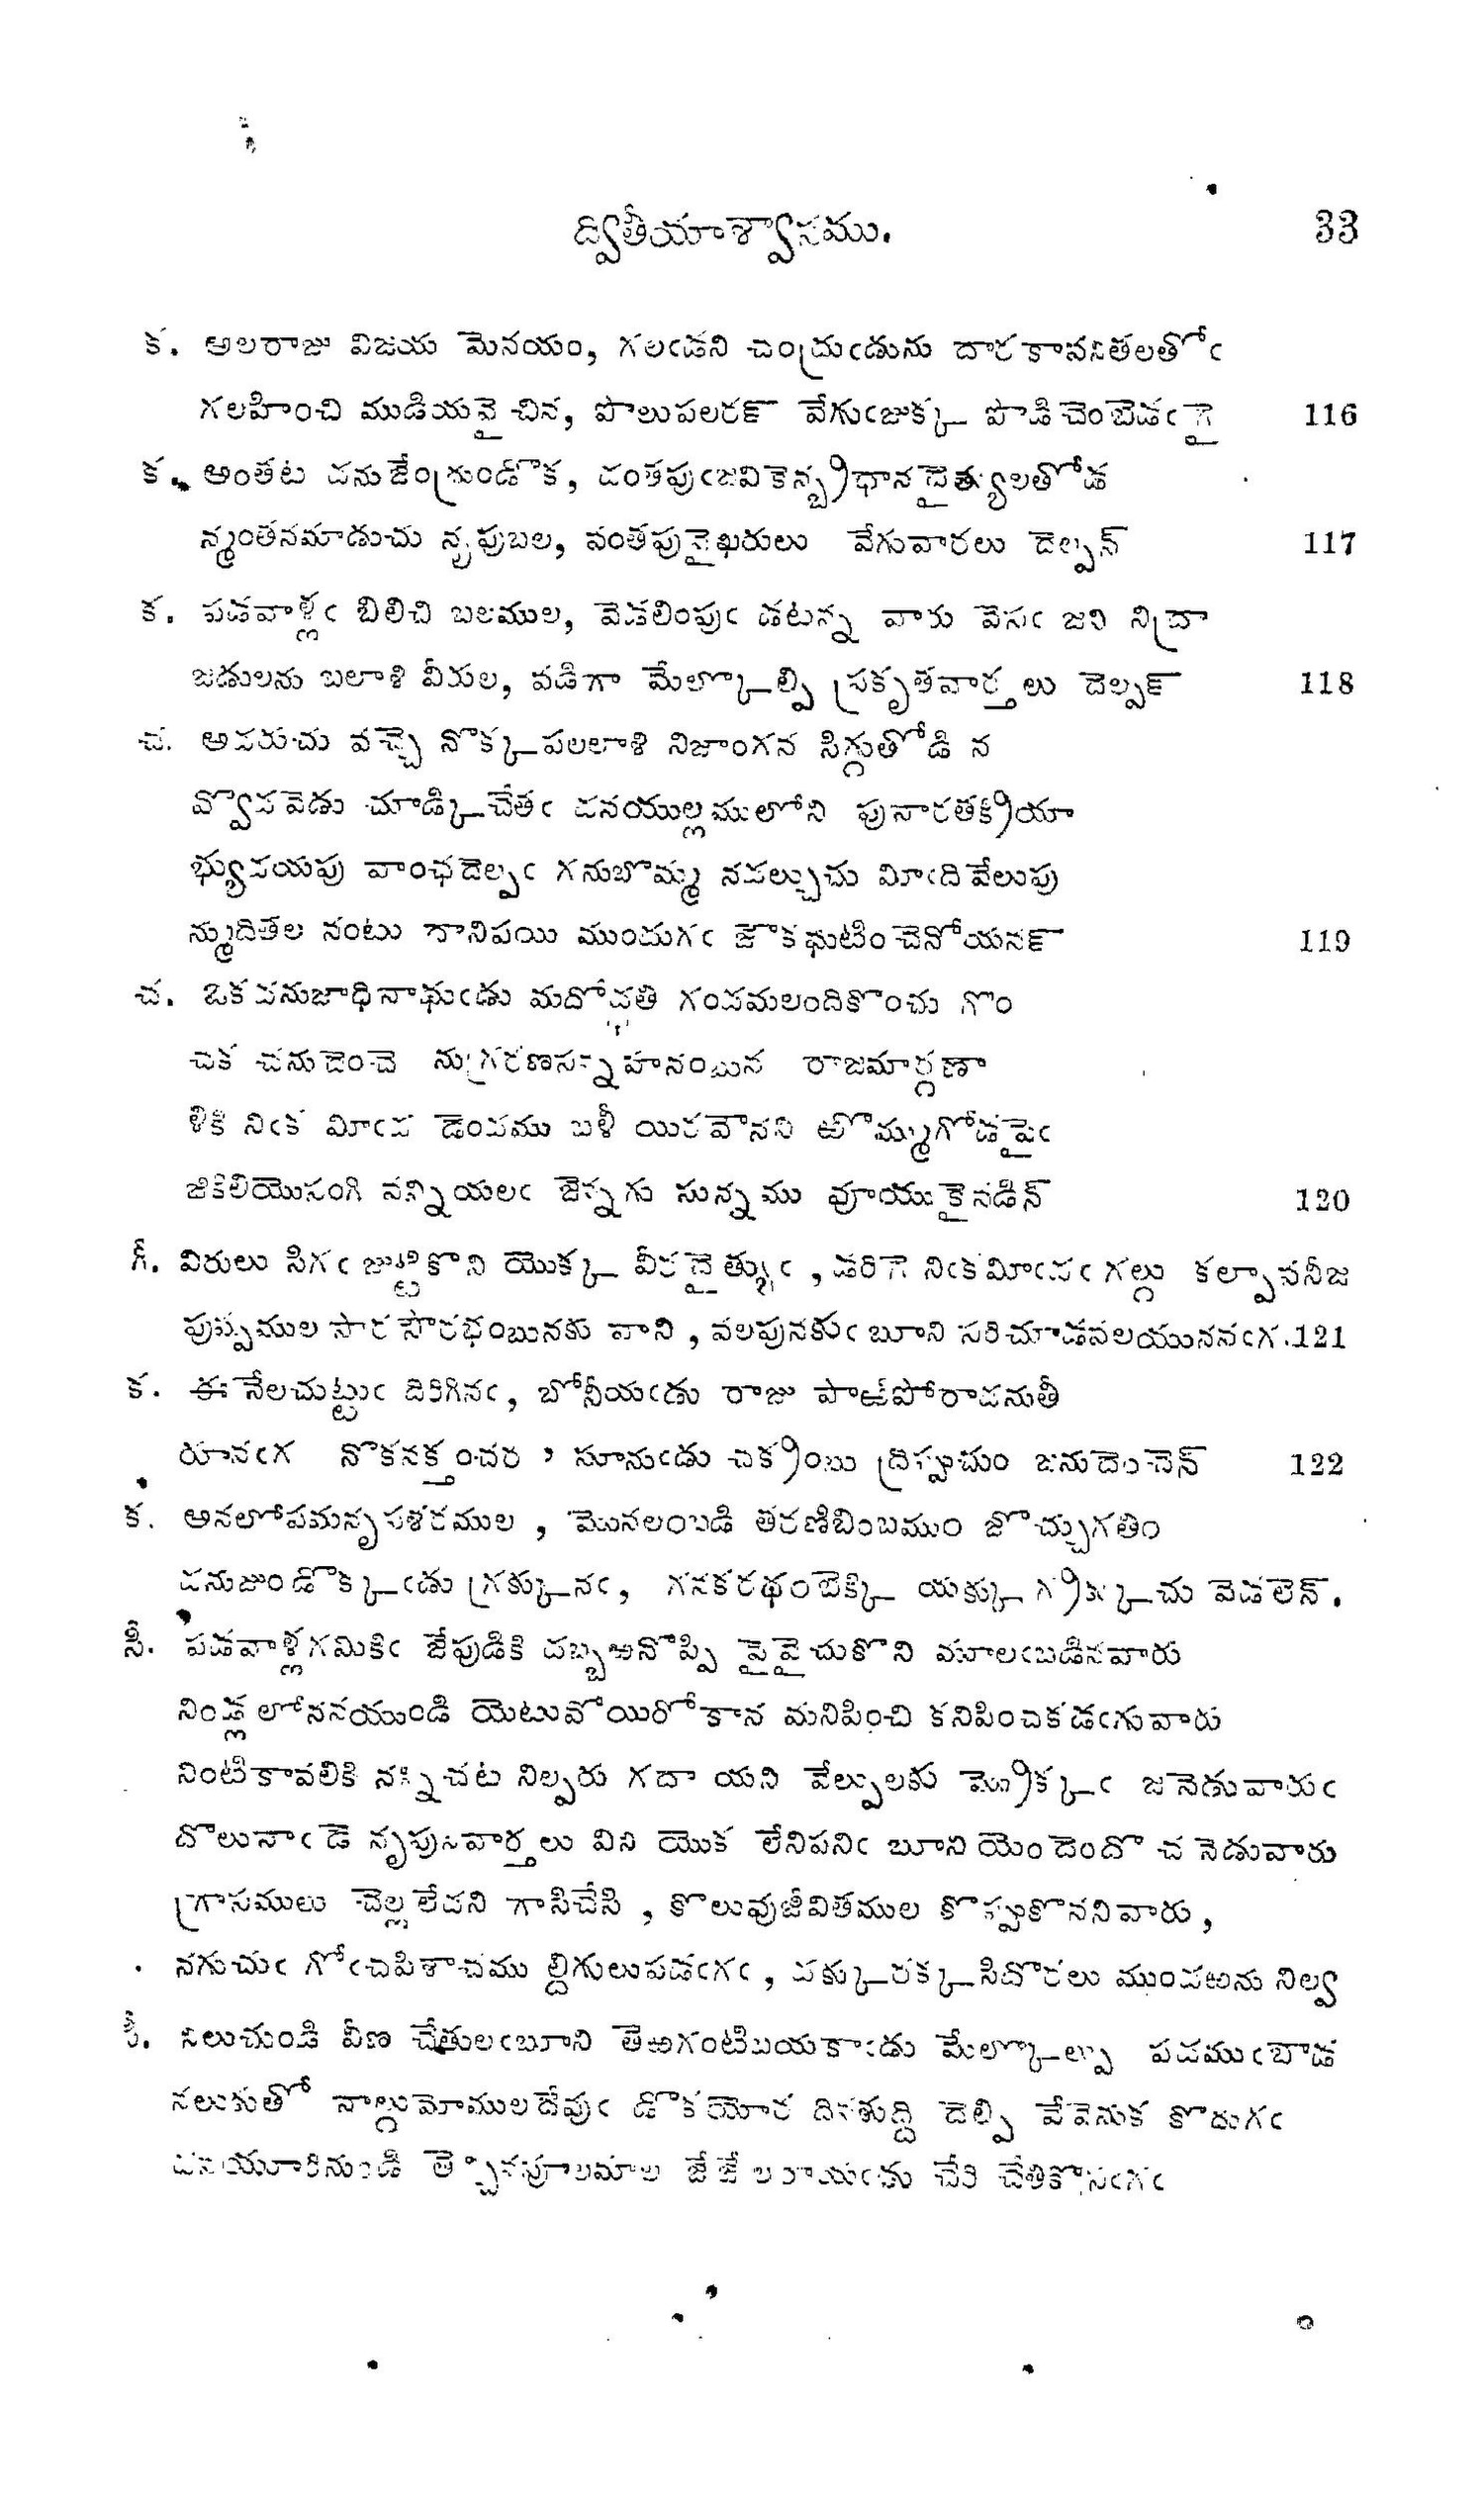క. అలరాజు విజయ మెనయం, గలఁడని చంద్రుఁడును దారకావనితలతో
గలహించి ముడియవైచిన, పొలుపలరన్ వేగుఁజుక్క పొడిచెం బెడఁగై.
క. అంతట దనుజేంద్రుం డొక, దంతపుఁజవికె న్ప్రధానదైత్యులతోడ
న్మంతనమాడుచు నృపుబల, వంతపువైఖరులు వేగువారలు దెల్పన్.
క. పడవాళ్లఁ బిలిచి బలముల, వెడలింపుఁ డటన్న వారు వెసఁ జని నిద్రా
జడులను బలాశి వీరుల, వడిగా మేల్కొల్పి ప్రకృతవార్తలు దెల్సన్.
చ. అదరుచు వచ్చె నొక్కపలలాశి నిజాంగన సిగ్గుతోడి న
వ్వొదవెడు చూడ్కిచేతఁ దనయుల్లములోని పునారతకియా
భ్యుదయపువాంఛ దెల్పఁ గనుబొమ్మ నదల్చుచు మీఁదివేలుపు
న్ముదితల నంటు దానిపయి ముందుగఁ జౌక ఘటించెనో యనన్.
చ. ఒక దనుజాధినాథుఁడు మదోద్ధతి గంద మలందికొంచు గొం
చక చనుదెంచె నుగ్రరణసన్నాహనంబున రాజమార్గణా
ళికి నిఁకమీఁద డెందము బళీ యిరవౌనని ఱొమ్ముగోడపైఁ
జికిలియొసంగి నన్నియలఁ జెన్నగు సున్నము వూయుకైవడిన్.
గీ. విరులు సిగఁ జుట్టికొని యొక్కవీరదైత్యు , డరిగె నిఁకమీఁదఁ గల్గు కల్పావనీజ
పుష్పములసారసౌరభంబునకు వాని, వలపునకుఁ బూని సరిచూడవలయు ననఁగ.
క. ఈనేలచుట్టుఁ దిరిగినఁ, బోనీయఁడు రాజు పాఱిపోరాదనుతీ
రూనఁగ నొకనక్తంచర, సూనుఁడు చక్రంబు ద్రిప్పుచుం జనుదెంచెన్.
క. అనలోపమనృపశరముల, మొనలంబడి తరణిబింబముం జొచ్చుగతిం
దనుజుం డొక్కఁడు గ్రక్కునఁ, గనకరథం బెక్కి యక్కు గ్రక్కుచు వెడలెన్.
సీ. పడవాళ్లగమికిఁ జేపుడికి దబ్బఱనొప్పి పైవైచుకొని మూలఁబడినవారు
నిండ్లలోనన యుండి యెటువోయిరో కాన మనిపించి కనిపించ కడఁగువారు
నింటికావలికి న న్నిచట నిల్పరు గదా యని వేల్పులకు మ్రొక్కఁ జనెడువారుఁ
దొలునాఁడె నృపునివార్తలు విని యొకలేనిపనిఁ బూని యెందెందొ చనెడువారు
గ్రాసములు చెల్లలేదని గ్రాసిచేసి, కొలువుజీవితముల కొప్పుకొననివారు
నగుచుఁ గోఁచపిశాచము ల్దిగులుపడఁగఁ, దక్కు రక్కసిదొరలు ముందఱను నిల్వ.
సీ. నిలుచుండి వీణ చేతులఁ బూని తెఱగంటిబయకాఁడు మేల్కొల్పుపదముఁ బాడ
నలుకుతో నాల్గుమోములదేవుఁ డొకయోర దినశుద్ది దెల్పి వేవెనుక కొదుగఁ
దనయూరినుండి తెచ్చినపూలమాల జేజేలరాయఁడు చేరి చేతికొసఁగఁ